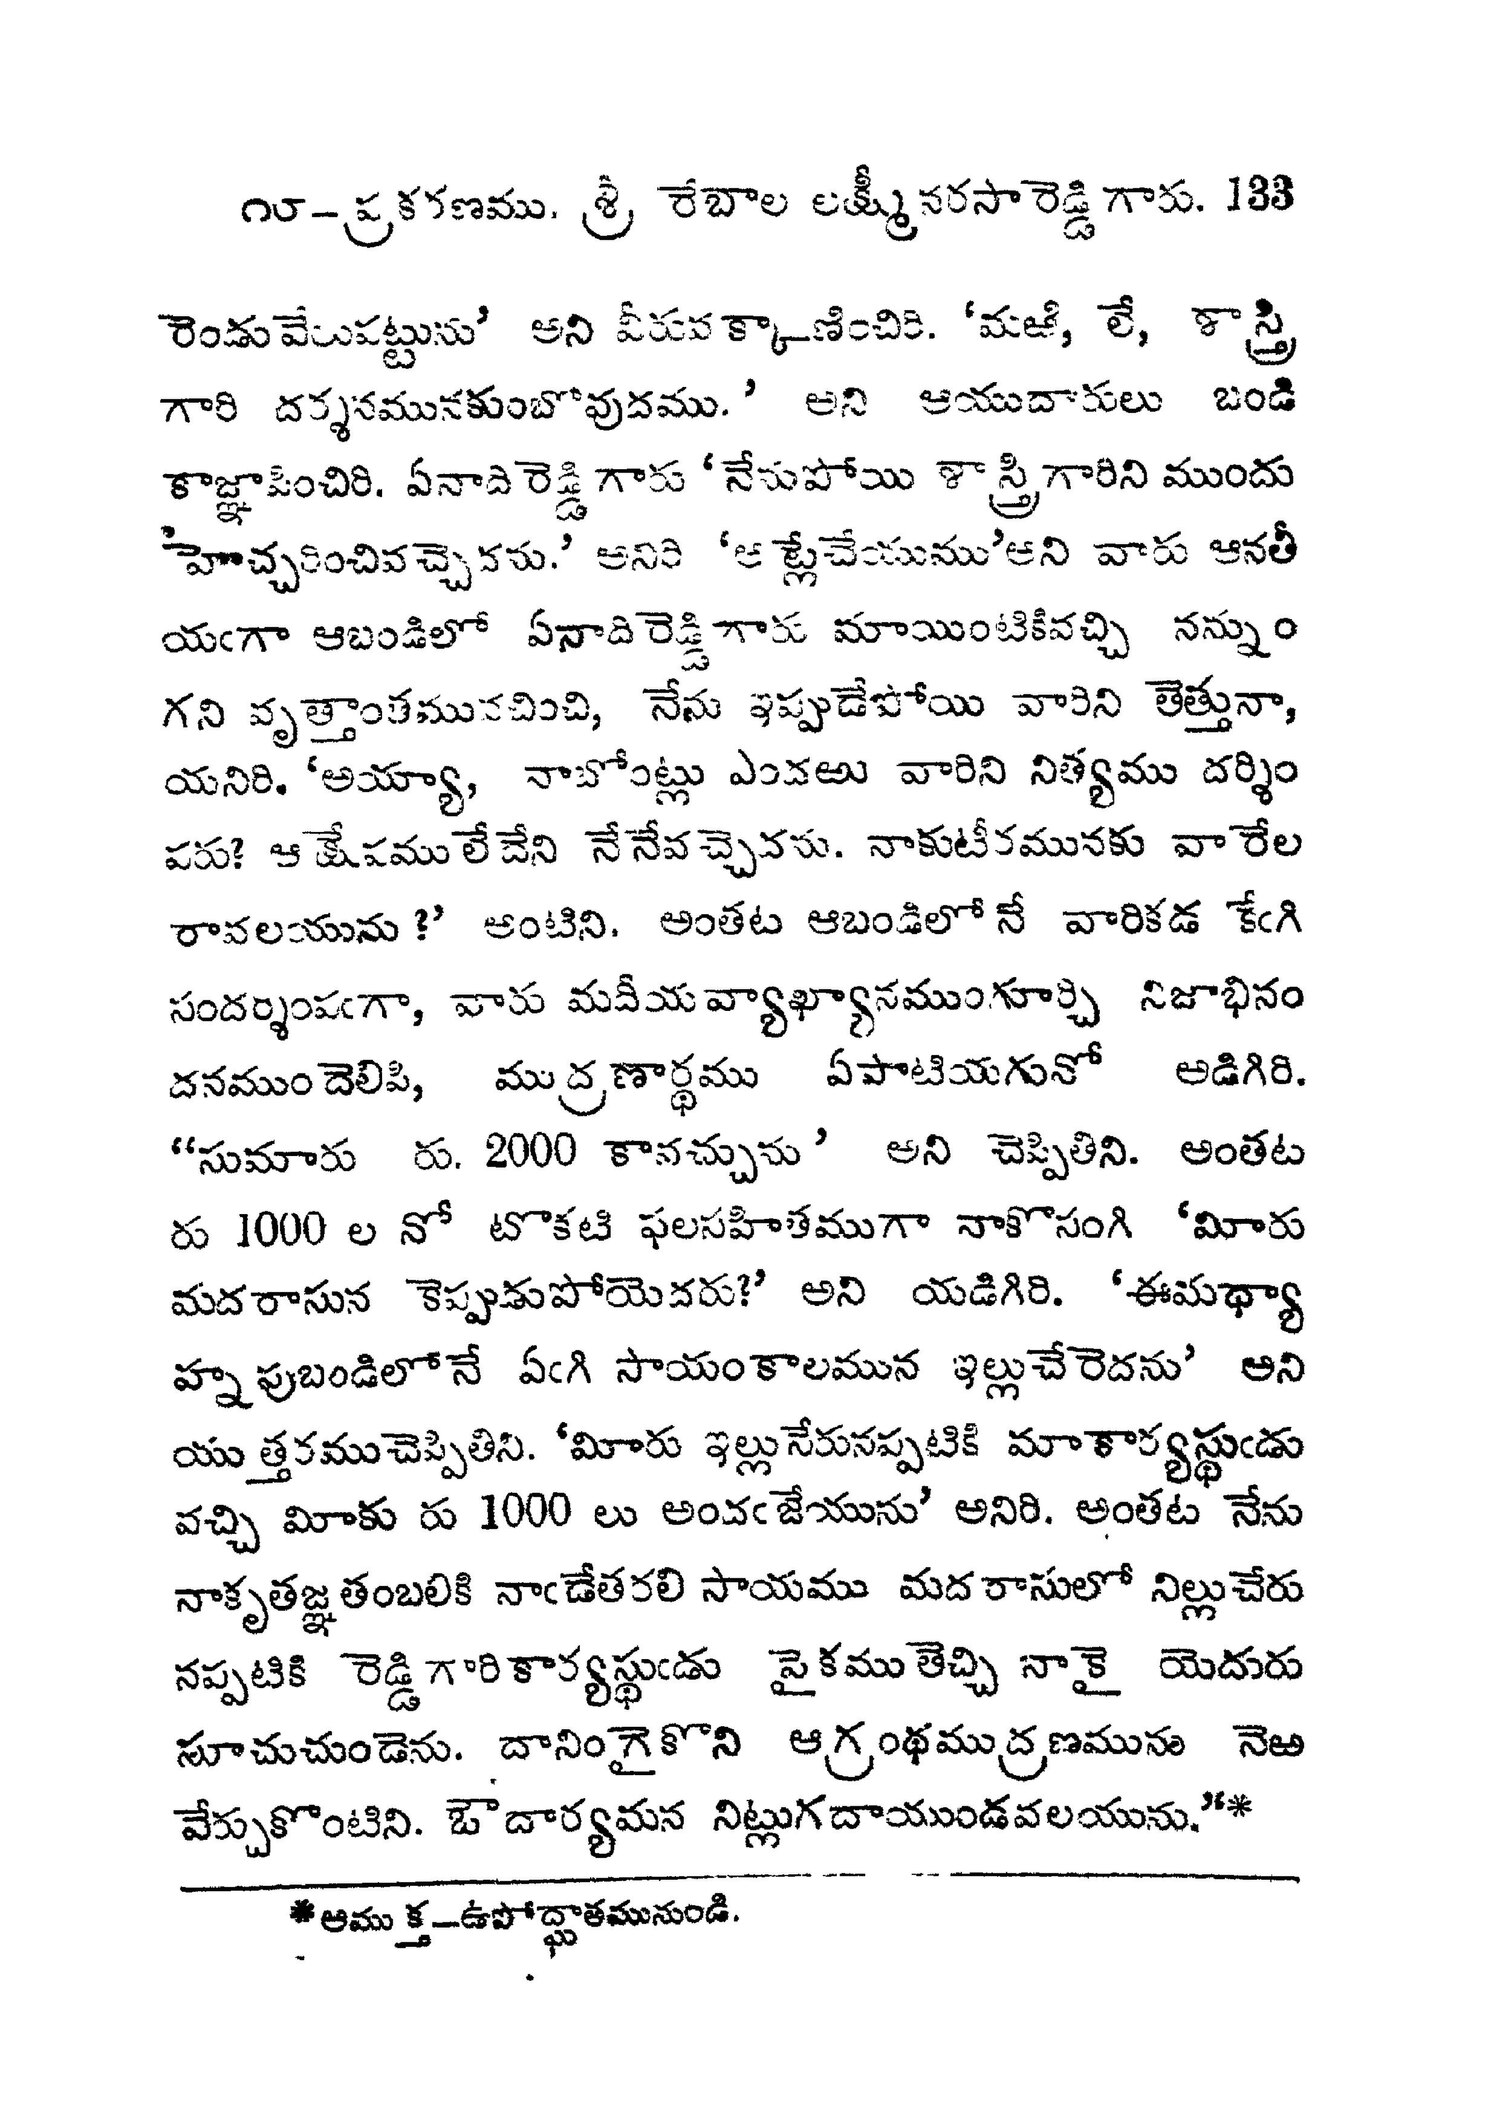రెండువేలుపట్టును' అని వీరువక్కాణించిరి. 'మఱి, లే, శాస్త్రిగారి దర్శనమునకుంబోవుదము.' అని ఆయుదారులు బండి కాజ్ఞాపించిరి. ఏనాదిరెడ్డి గారు 'నేనుపోయి శాస్త్రిగారిని ముందు హెచ్చరించివచ్చెదను.' అనిరి. 'అట్లేచేయుము'అని వారు ఆనతీయగా ఆబండిలో ఏనాదిరెడ్డి గారు మాయింటికివచ్చి నన్నుంగని వృత్తాంతమువచించి, నేను ఇప్పుడేపోయి వారిని తెత్తునా, యనిరి. 'అయ్యా, నాబోంట్లు ఎందఱు వారిని నిత్యము దర్శింపరు? ఆక్షేపములేదేని నేనేవచ్చెదను. నాకుటీరమునకు వారేల రావలయును?' అంటిని. అంతట ఆబండిలోనే వారికడ కేగి సందర్శింపగా, వారు మదీయవ్యాఖ్యానముంగూర్చి నిజాభినందనముందెలిపి, ముద్రణార్థము ఏపాటియగునో అడిగిరి. "సుమారు రు. 2000 కావచ్చును' అని చెప్పితిని. అంతట రు. 1000 ల నో టొకటి ఫలసహితముగా నాకొసంగి 'మీరు మదరాసున కెప్పుడుపోయెదరు?' అని యడిగిరి. 'ఈమధ్యాహ్నపుబండిలోనే ఏగి సాయంకాలమున ఇల్లుచేరెదను' అని యుత్తరముచెప్పితిని. 'మీరు ఇల్లుసేరునప్పటికి మాకార్యస్థుడు వచ్చి మీకు రు. 1000 లు అందజేయును' అనిరి. అంతట నేను నాకృతజ్ఞతంబలికి నాడేతరలి సాయము మదరాసులో నిల్లుచేరునప్పటికి రెడ్డిగారికార్యస్థుడు పైకముతెచ్చి నాకై యెదురు సూచుచుండెను. దానింగైకొని ఆగ్రంథముద్రణమును నెఱవేర్చుకొంటిని. ఔదార్యమన నిట్లుగదాయుండవలయును."*

ఆముక్త - ఉపోద్ఘాతమునుండి.